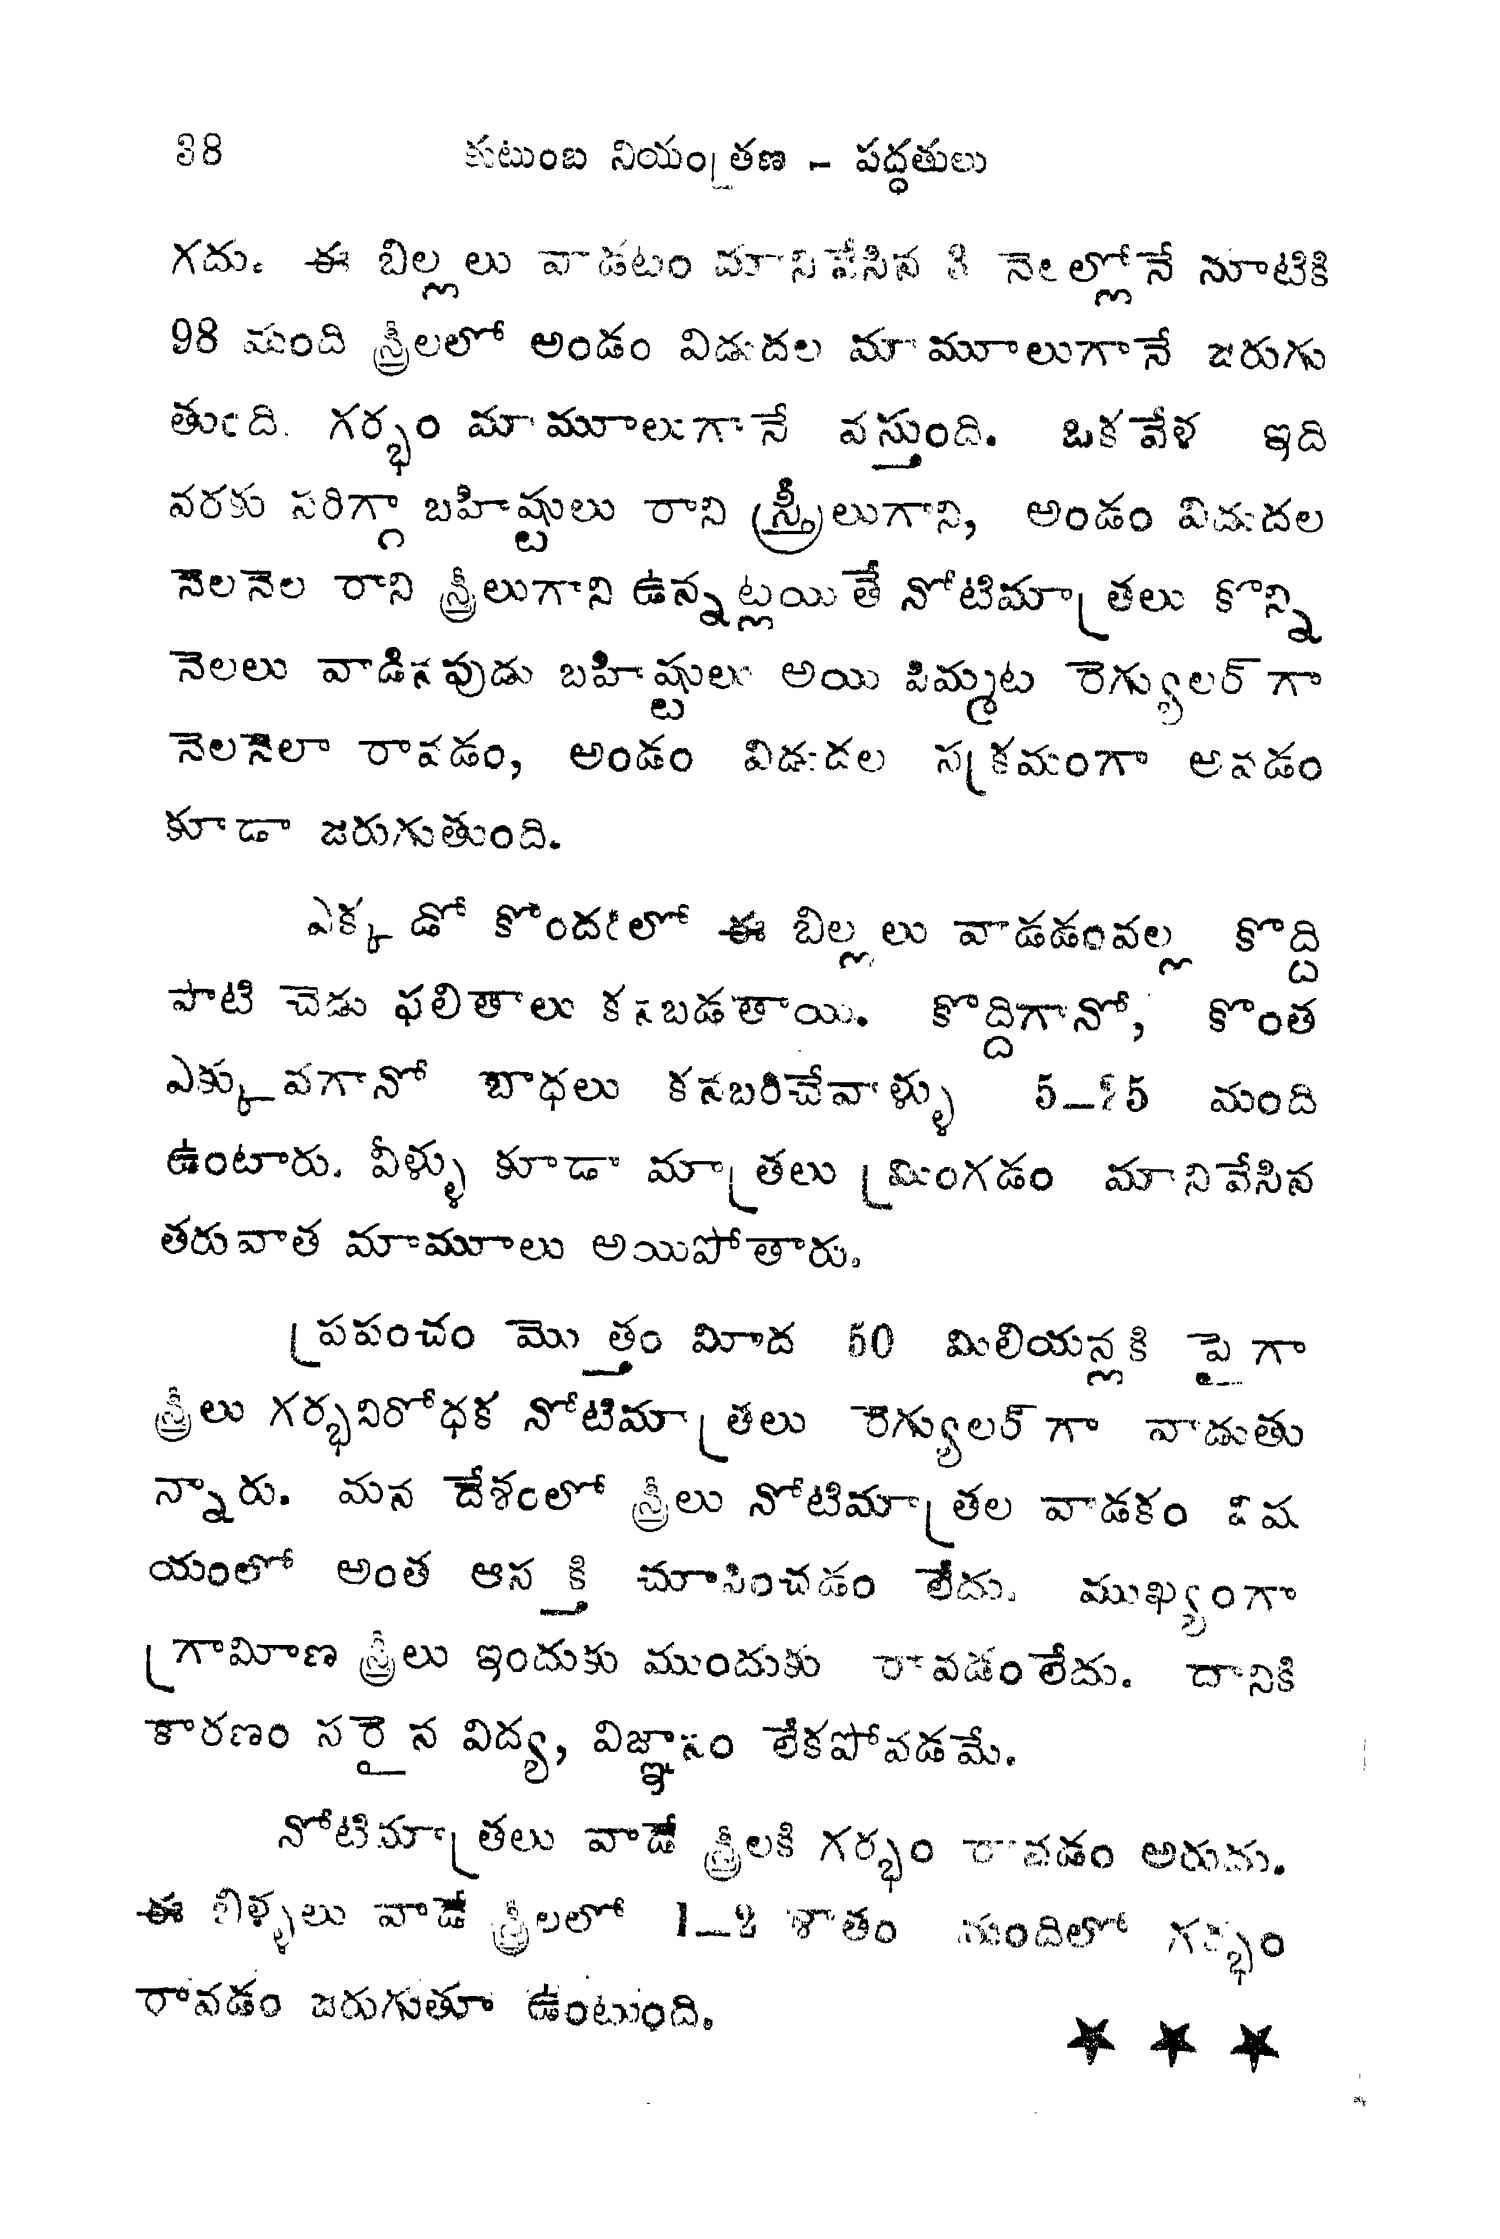గదు. ఈ బిల్లలు వాడటం మానివేసిన 3 నెలల్లోనె నూటికి 98 మంది స్త్రీలలో అండం విడుదల మామూలుగానే జరుగుతుంది. గర్భం మామూలుగానే వస్తుంది. ఒకవేళ ఇది వరకు సరిగ్గా బహిష్టులు రాని స్త్రీలుగాని, అండం విడుదల నెలనెల రాని స్త్రీలుగాని ఉన్నట్లయితే నోటిమాత్రలు కొన్ని నెలలు వాడినపుడు బహిష్టులు అయి పిమ్మట రెగ్యులర్‌గా నెలనెలా రావడం, అండం విడుదల సక్రమంగా అవడం కూడా జరుగుతుంది.

ఎక్కడో కొందరిలో ఈ బిల్లలు వాడడంవల్ల కొద్ది పాటి చెడు ఫలితాలు కనబడతాయి. కొద్దిగానో, కొంత ఎక్కువగానో బాధలు కనబరిచేవాళ్ళు 5-25 మంది ఊంటారు. వీళ్ళు కూడా మాత్రలు మ్రింగడం మానివేసిన తరువాత మామూలు అయిపోతారు.

ప్రపంచం మొత్తం మీద 50 మిలియన్లకి పైగా స్త్రీలు గర్భనిరోధక నోటిమాత్రలు రెగ్యులర్‌గా వాడుతున్నారు. మన దేశంలో స్త్రీలు నోటిమాత్రల వాడకం విషయంలో అంత ఆసక్తి చూపించడం లేదు. ముఖ్యంగా గ్రామిణ స్త్రీలు ఇందుకు ముందుకు రావడంలేదు. దానికి కారణం సరైన విద్య, విజ్ఞానం లేకపోవడమే.

నోటిమాత్రలు వాడే స్త్రీలకి గర్భం రావడం అరుదు. ఈ బిళ్ళలు వాడే స్త్రీలలో 1-2 శాతం మందిలో గర్భం రావడం జరుగుతూ ఉంటుంది. * * *